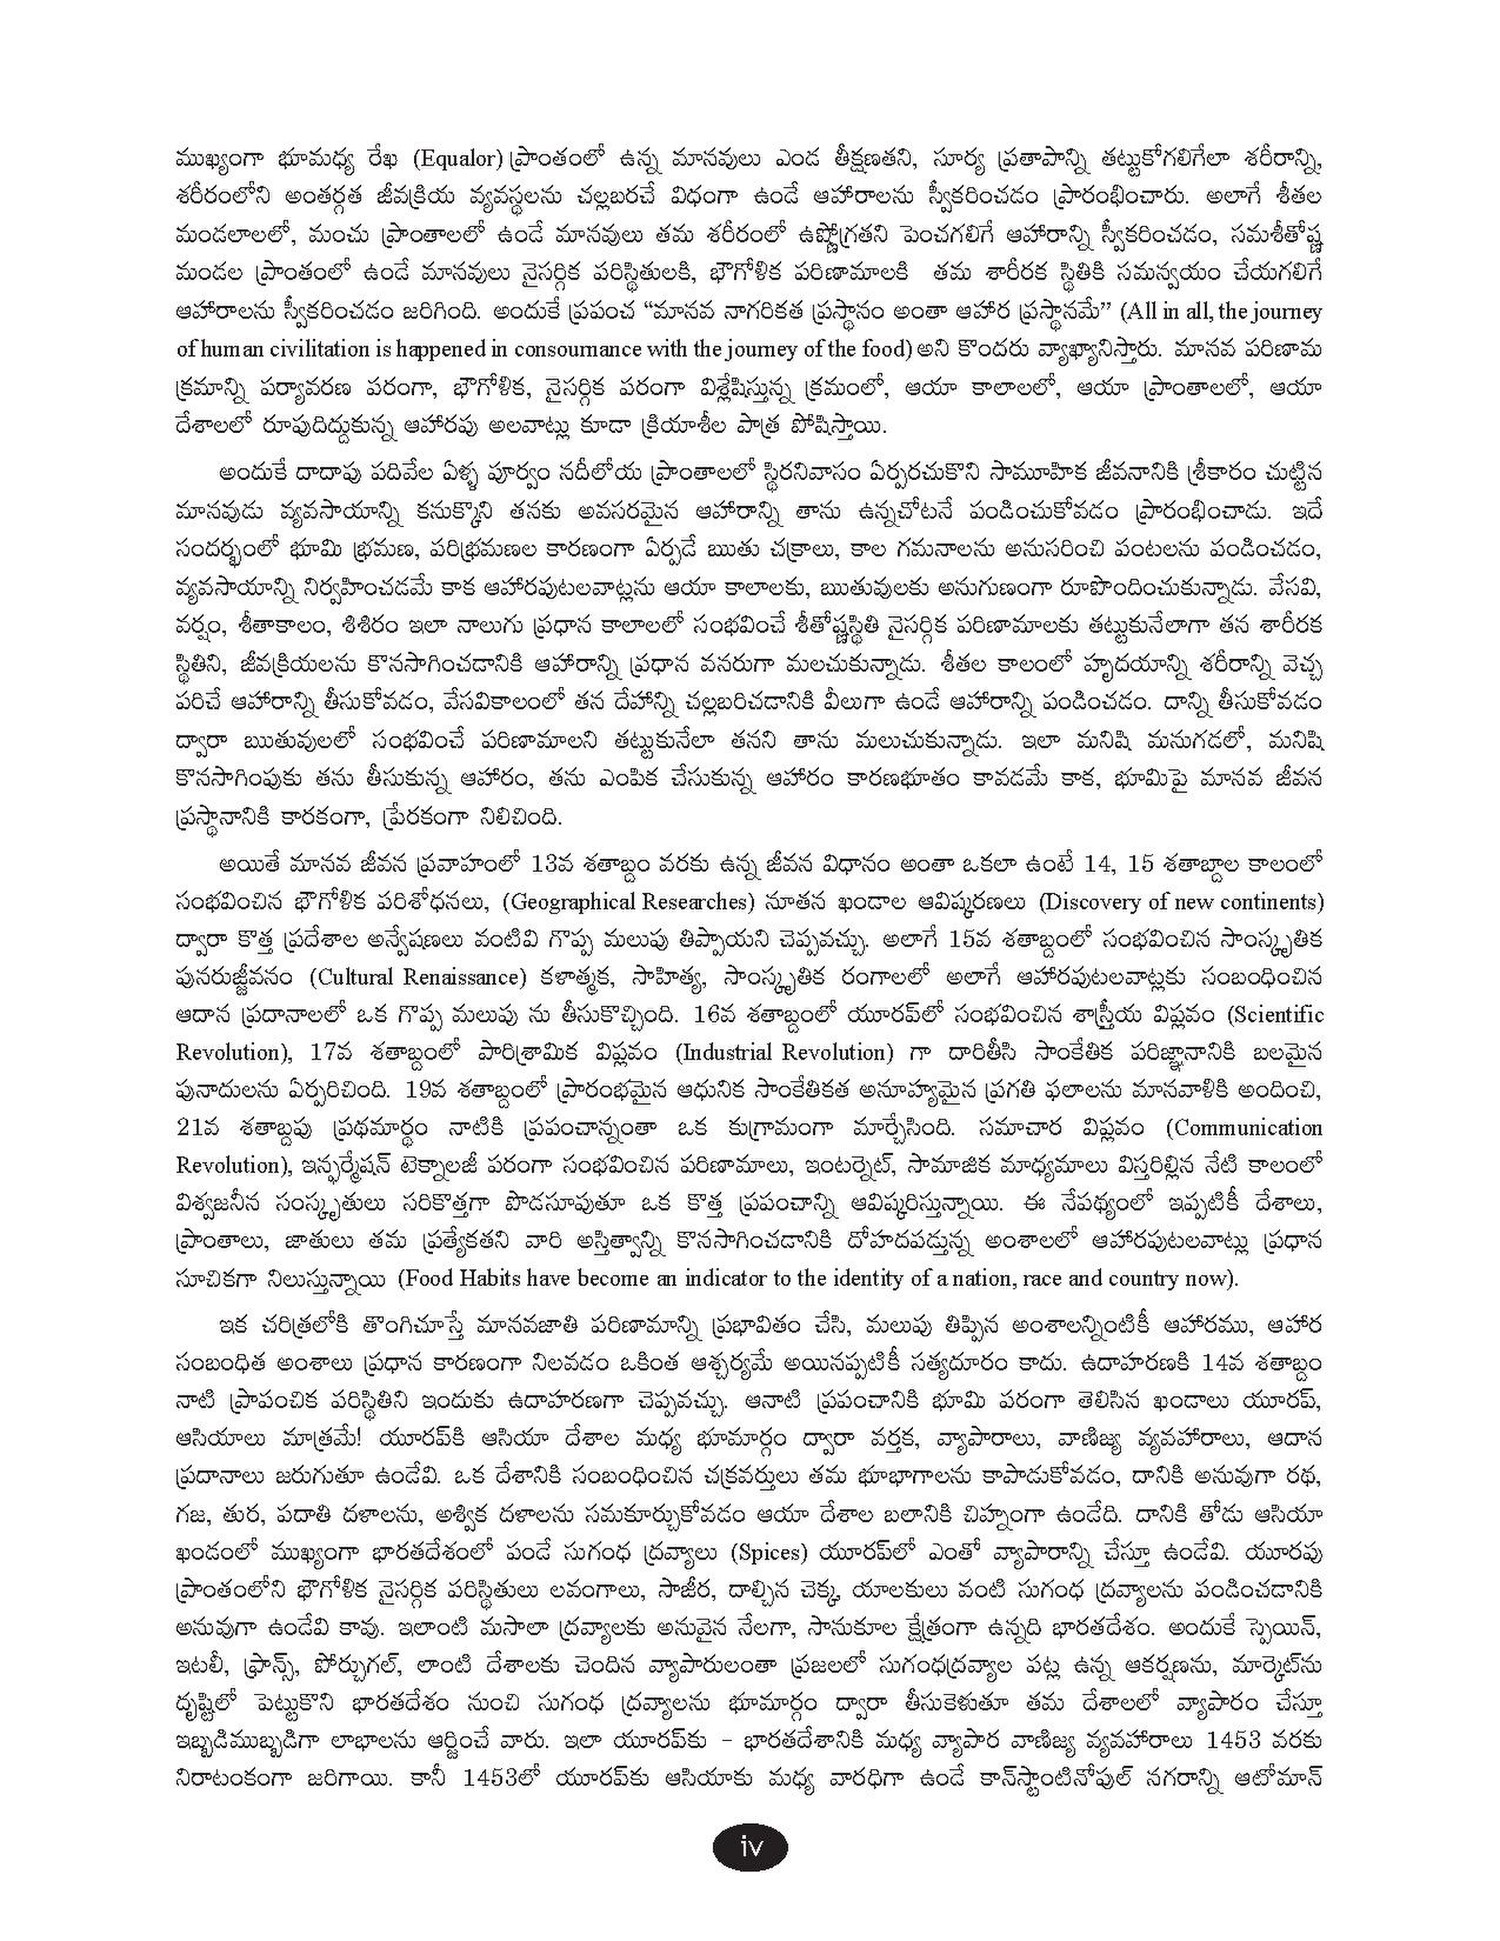ముఖ్యంగా భూమధ్య రేఖ (Equalor) ప్రాంతంలో ఉన్న మానవులు ఎండ తీక్షణతని, సూర్య ప్రతాపాన్ని తట్టుకోగలిగేలా శరీరాన్ని, శరీరంలోని అంతర్గత జీవక్రియ వ్యవస్థలను చల్లబరచే విధంగా ఉండే ఆహారాలను స్వీకరించడం ప్రారంభించారు. అలాగే శీతల మండలాలలో, మంచు ప్రాంతాలలో ఉండే మానవులు తమ శరీరంలో ఉష్ణోగ్రతని పెంచగలిగే ఆహారాన్ని స్వీకరించడం, సమశీతోష్ణ మండల ప్రాంతంలో ఉండే మానవులు నైసర్గిక పరిస్థితులకి, భౌగోళిక పరిణామాలకి తమ శారీరక స్థితికి సమన్వయం చేయగలిగే ఆహారాలను స్వీకరించడం జరిగింది. అందుకే ప్రపంచ “మానవ నాగరికత ప్రస్థానం అంతా ఆహార ప్రస్థానమే” (All in all, the journey of human civilitation is happened in consoumance with the journey of the food) అని కొందరు వ్యాఖ్యానిస్తారు. మానవ పరిణామ
క్రమాన్ని పర్యావరణ పరంగా, భౌగోళిక, నైసర్గిక పరంగా విశ్లేషిస్తున్న క్రమంలో, ఆయా కాలాలలో, ఆయా ప్రాంతాలలో, ఆయా దేశాలలో రూపుదిద్దుకున్న ఆహారపు అలవాట్లు కూడా క్రియాశీల పాత్ర పోషిస్తాయి.

అందుకే దాదాపు పదివేల ఏళ్ళ పూర్వం నదీలోయ ప్రాంతాలలో స్థిరనివాసం ఏర్పరచుకొని సామూహిక జీవనానికి శ్రీకారం చుట్టిన మానవుడు వ్యవసాయాన్ని కనుక్కొని తనకు అవసరమైన ఆహారాన్ని తాను ఉన్నచోటనే పండించుకోవడం ప్రారంభించాడు. ఇదే సందర్భంలో భూమి భ్రమణ, పరిభ్రమణల కారణంగా ఏర్పడే ఋతు చక్రాలు, కాల గమనాలను అనుసరించి పంటలను పండించడం, వ్యవసాయాన్ని నిర్వహించడమే కాక ఆహారపుటలవాట్లను ఆయా కాలాలకు, ఋతువులకు అనుగుణంగా రూపొందించుకున్నాడు. వేసవి, వర్షం, శీతాకాలం, శిశిరం ఇలా నాలుగు ప్రధాన కాలాలలో సంభవించే శీతోష్ణస్థితి నైసర్గిక పరిణామాలకు తట్టుకునేలాగా తన శారీరక స్థితిని, జీవక్రియలను కొనసాగించడానికి ఆహారాన్ని ప్రధాన వనరుగా మలచుకున్నాడు. శీతల కాలంలో హృదయాన్ని శరీరాన్ని వెచ్చ పరిచే ఆహారాన్ని తీసుకోవడం, వేసవికాలంలో తన దేహాన్ని చల్లబరిచడానికి వీలుగా ఉండే ఆహారాన్ని పండించడం. దాన్ని తీసుకోవడం
ద్వారా ఋతువులలో సంభవించే పరిణామాలని తట్టుకునేలా తనని తాను మలుచుకున్నాడు. ఇలా మనిషి మనుగడలో, మనిషి కొనసాగింపుకు తను తీసుకున్న ఆహారం, తను ఎంపిక చేసుకున్న ఆహారం కారణభూతం కావడమే కాక, భూమిపై మానవ జీవన ప్రస్థానానికి కారకంగా, ప్రేరకంగా నిలిచింది.

అయితే మానవ జీవన ప్రవాహంలో 13వ శతాబ్దం వరకు ఉన్న జీవన విధానం అంతా ఒకలా ఉంటే 14, 15 శతాబ్దాల కాలంలో సంభవించిన భౌగోళిక పరిశోధనలు, (Geographical Researches) నూతన ఖండాల ఆవిష్కరణలు (Discovery of new continents) ద్వారా కొత్త ప్రదేశాల అన్వేషణలు వంటివి గొప్ప మలుపు తిప్పాయని చెప్పవచ్చు. అలాగే 15వ శతాబ్దంలో సంభవించిన సాంస్కృతిక పునరుజ్జీవనం (Cultural Renaissance) కళాత్మక, సాహిత్య, సాంస్కృతిక రంగాలలో అలాగే ఆహారపుటలవాట్లకు సంబంధించిన ఆదాన ప్రదానాలలో ఒక గొప్ప మలుపు ను తీసుకొచ్చింది. 16వ శతాబ్దంలో యూరప్ లో సంభవించిన శాస్త్రీయ విప్లవం (Scientific Revolution), 17వ శతాబ్దంలో పారిశ్రామిక విప్లవం (Industrial Revolution) గా దారితీసి సాంకేతిక పరిజ్ఞానానికి బలమైన పునాదులను ఏర్పరిచింది. 19వ శతాబ్దంలో ప్రారంభమైన ఆధునిక సాంకేతికత అనూహ్యమైన ప్రగతి ఫలాలను మానవాళికి అందించి,
21వ శతాబ్దపు ప్రథమార్థం నాటికి ప్రపంచాన్నంతా ఒక కుగ్రామంగా మార్చేసింది. సమాచార విప్లవం (Communication
Revolution), ఇన్ఫర్మేషన్ టెక్నాలజీ పరంగా సంభవించిన పరిణామాలు, ఇంటర్నెట్, సామాజిక మాధ్యమాలు విస్తరిల్లిన నేటి కాలంలో విశ్వజనీన సంస్కృతులు సరికొత్తగా పొడసూపుతూ ఒక కొత్త ప్రపంచాన్ని ఆవిష్కరిస్తున్నాయి. ఈ నేపథ్యంలో ఇప్పటికీ దేశాలు, ప్రాంతాలు, జాతులు తమ ప్రత్యేకతని వారి అస్తిత్వాన్ని కొనసాగించడానికి దోహదపడ్తున్న అంశాలలో ఆహారపుటలవాట్లు ప్రధాన సూచికగా నిలుస్తున్నాయి (Food Habits have become an indicator to the identity of a nation, race and country now).

ఇక చరిత్రలోకి తొంగిచూస్తే మానవజాతి పరిణామాన్ని ప్రభావితం చేసి, మలుపు తిప్పిన అంశాలన్నింటికీ ఆహారము, ఆహార సంబంధిత అంశాలు ప్రధాన కారణంగా నిలవడం ఒకింత ఆశ్చర్యమే అయినప్పటికీ సత్యదూరం కాదు. ఉదాహరణకి 14వ శతాబ్దం నాటి ప్రాపంచిక పరిస్థితిని ఇందుకు ఉదాహరణగా చెప్పవచ్చు. ఆనాటి ప్రపంచానికి భూమి పరంగా తెలిసిన ఖండాలు యూరప్, ఆసియాలు మాత్రమే! యూరప్కి ఆసియా దేశాల మధ్య భూమార్గం ద్వారా వర్తక, వ్యాపారాలు, వాణిజ్య వ్యవహారాలు, ఆదాన ప్రదానాలు జరుగుతూ ఉండేవి. ఒక దేశానికి సంబంధించిన చక్రవర్తులు తమ భూభాగాలను కాపాడుకోవడం, దానికి అనువుగా రథ, గజ, తుర, పదాతి దళాలను, అశ్విక దళాలను సమకూర్చుకోవడం ఆయా దేశాల బలానికి చిహ్నంగా ఉండేది. దానికి తోడు ఆసియా ఖండంలో ముఖ్యంగా భారతదేశంలో పండే సుగంధ ద్రవ్యాలు (Spices) యూరప్లో ఎంతో వ్యాపారాన్ని చేస్తూ ఉండేవి. యూరపు ప్రాంతంలోని భౌగోళిక నైసర్గిక పరిస్థితులు లవంగాలు, సాజీర, దాల్చిన చెక్క, యాలకులు వంటి సుగంధ ద్రవ్యాలను పండించడానికి అనువుగా ఉండేవి కావు. ఇలాంటి మసాలా ద్రవ్యాలకు అనువైన నేలగా, సానుకూల క్షేత్రంగా ఉన్నది భారతదేశం. అందుకే స్పెయిన్, ఇటలీ, ఫ్రాన్స్, పోర్చుగల్, లాంటి దేశాలకు చెందిన వ్యాపారులంతా ప్రజలలో సుగంధద్రవ్యాల పట్ల ఉన్న ఆకర్షణను, మార్కెట్ను దృష్టిలో పెట్టుకొని భారతదేశం నుంచి సుగంధ ద్రవ్యాలను భూమార్గం ద్వారా తీసుకెళుతూ తమ దేశాలలో వ్యాపారం చేస్తూ ఇబ్బడిముబ్బడిగా లాభాలను ఆర్జించే వారు. ఇలా యూరప్ కు - భారతదేశానికి మధ్య వ్యాపార వాణిజ్య వ్యవహారాలు 1453 వరకు నిరాటంకంగా జరిగాయి. కానీ 1453లో యూరప్కు ఆసియాకు మధ్య వారధిగా ఉండే కాన్ స్టాంటినోపుల్ నగరాన్ని ఆటోమాన్